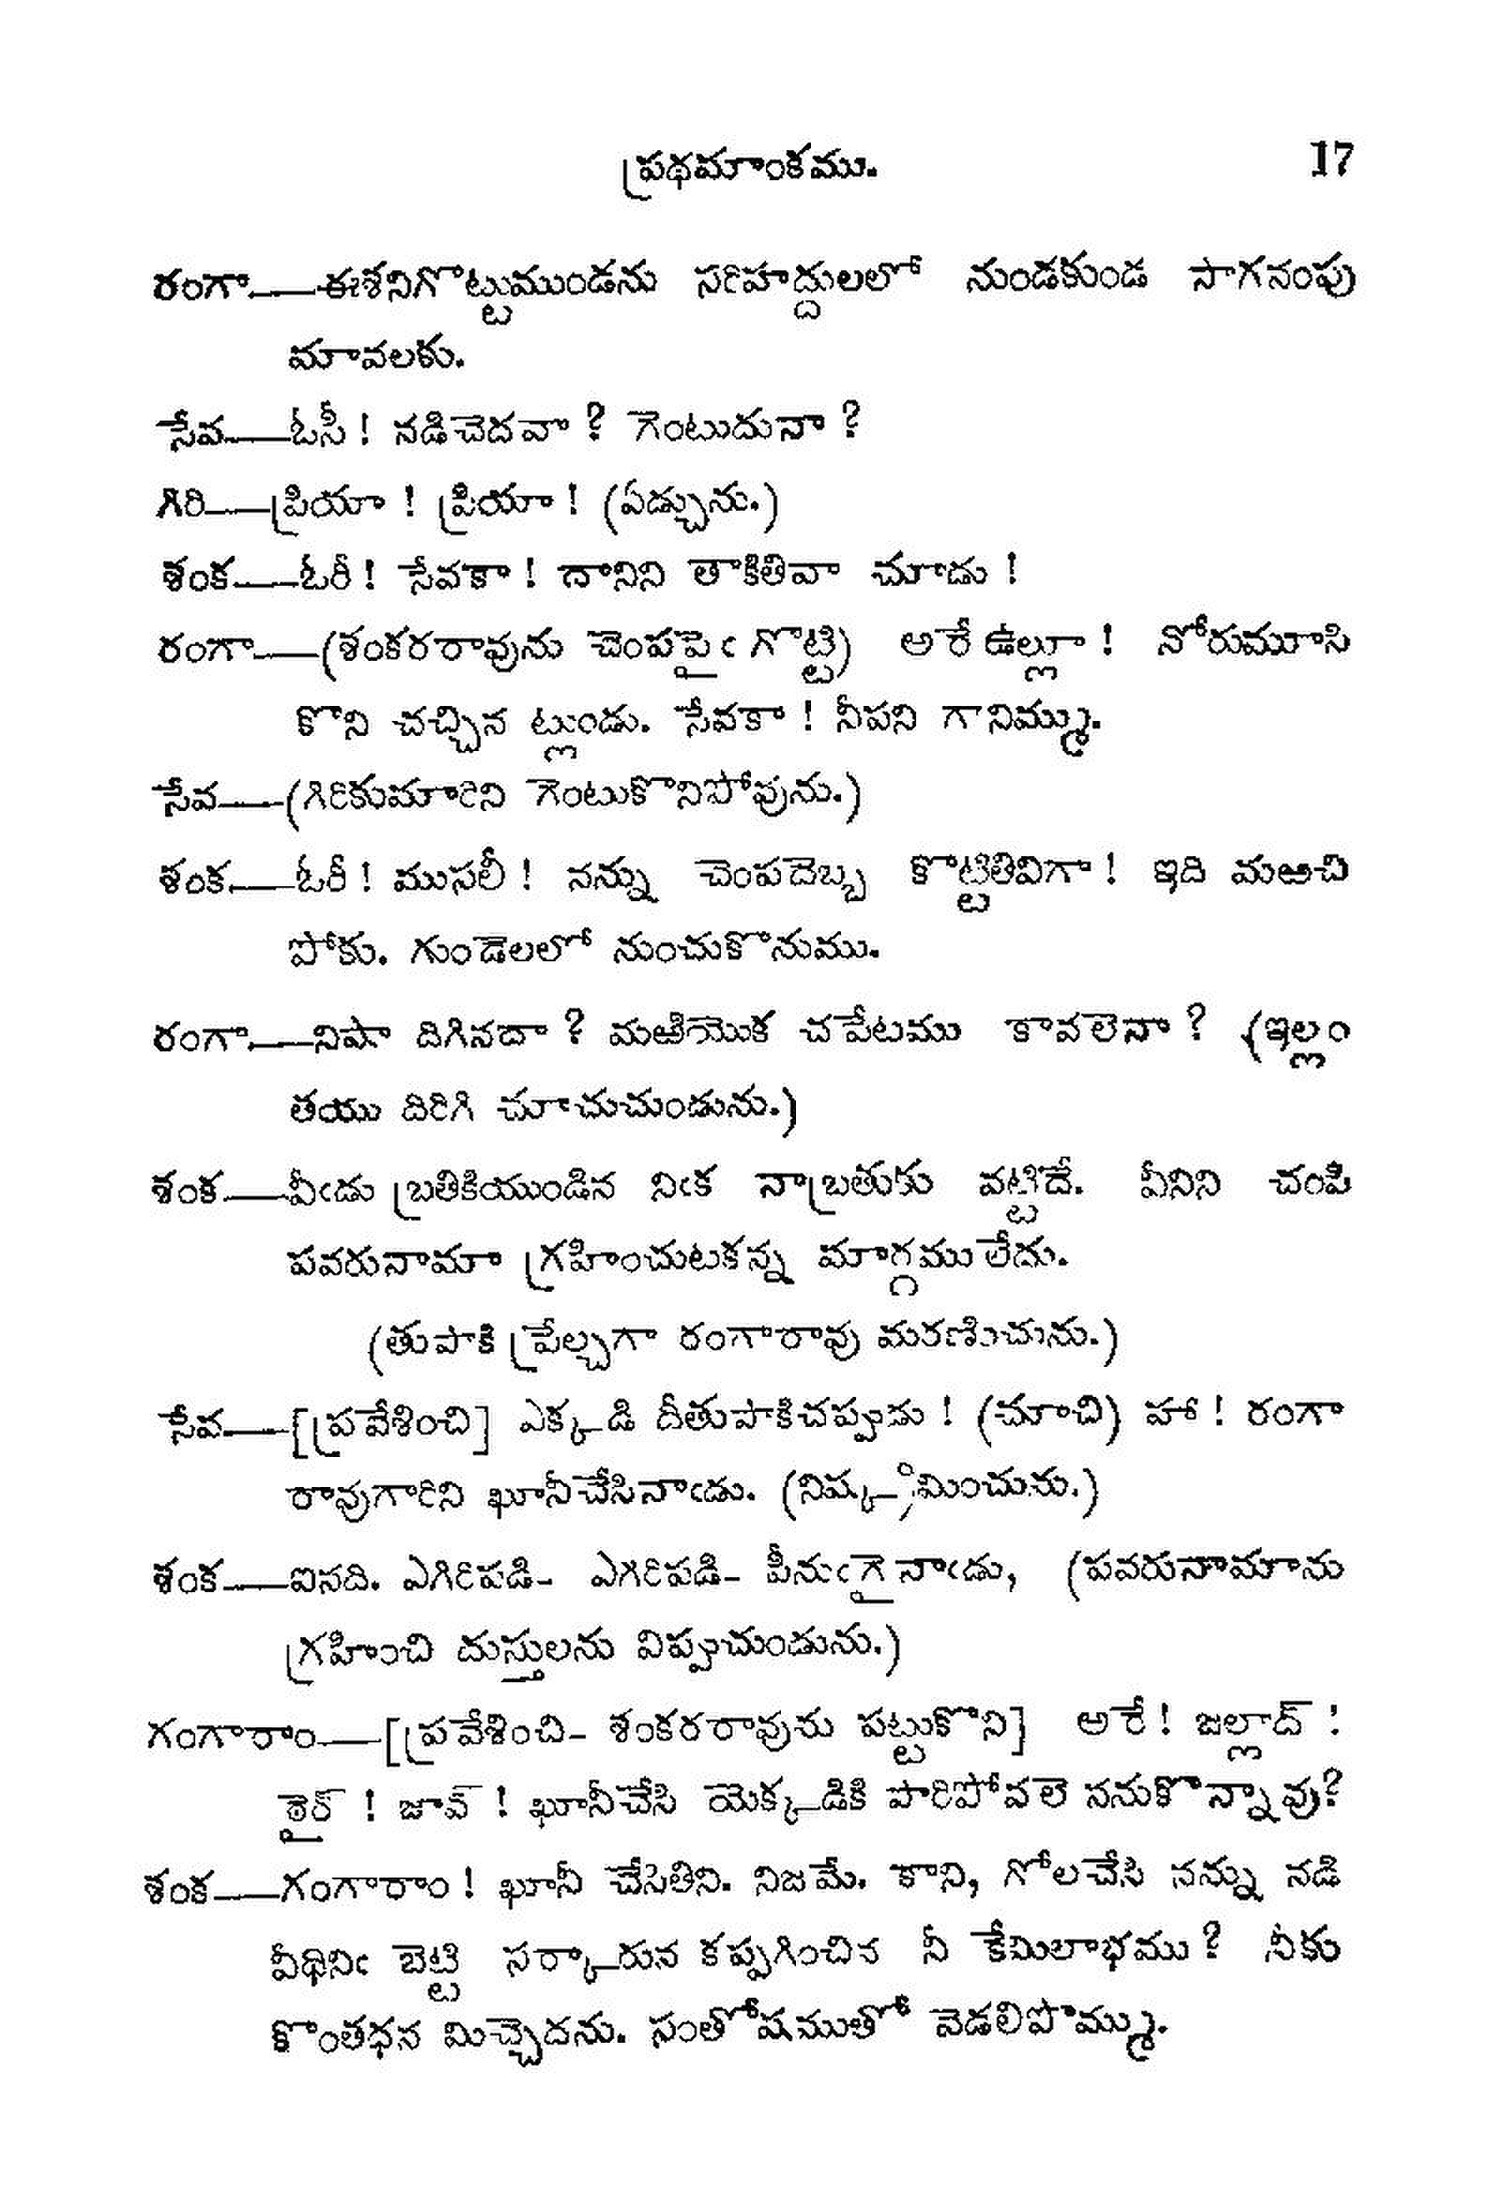రంగా - ఈశనిగొట్టుముండను సరిహద్దులలో నుండకుండ సాగనంపు మావలకు.

సేవ - ఓసీ! నడిచెదవా ? గెంటుదునా ?

గిరి - ప్రియా ! ప్రియా ! (ఏడ్చును.)

శంక - ఓరీ! సేవకా ! దానిని తాకితివా చూడు !

రంగా - (శంకరరావును చెంపపైఁ గొట్టి) అరే ఉల్లూ ! నోరుమూసికొని చచ్చిన ట్లుండు. సేవకా ! నీపని 
గానిమ్ము.

సేవ -- (గిరికుమారిని గెంటుకొనిపోవును.)

శంక - -ఓరీ ! ముసలీ ! నన్ను చెంపదెబ్బ కొట్టితివిగా ! ఇది మఱచిపోకు. గుండెలలో నుంచుకొనుము.

రంగా - నిషా దిగినదా ? మఱియొక చపేటము కావలెనా? (ఇల్లంతయు దిరిగి చూచుచుండును.)

శంక - వీఁడు బ్రతికియుండిన నిఁక నాబ్రతుకు వట్టిదే. వీనిని చంపి పవరునామా గ్రహించుటకన్న మార్గములేదు.

సేవ — (ప్రవేశించి) ఎక్కడి దీతుపాకిచప్పుడు ! (చూచి) హా ! రంగారావుగారిని ఖూనీచేసినాఁడు. (నిష్క్రమించును.)

శంక - ఐనది. ఎగిరిపడి - ఎగిరిపడి - పీనుఁగైనాఁడు, (పవరునామాను గ్రహించి దుస్తులను విప్పుచుండును.)

గంగారాం - [ప్రవేశించి- శంకరరావును పట్టుకొని] అరే! జల్లాద్ ! ఠైర్ ! జావ్ ! ఖూనీచేసి యెక్కడికి పారిపోవలె ననుకొన్నావు?

శంక - గంగారాం ! ఖూనీ చేసితిని. నిజమే. కాని, గోలచేసి నన్ను నడివీథినిఁ బెట్టి సర్కారున కప్పగించిన నీ కేమిలాభము ? నీకు కొంతధన మిచ్చెదను. సంతోషముతో వెడలిపొమ్ము.